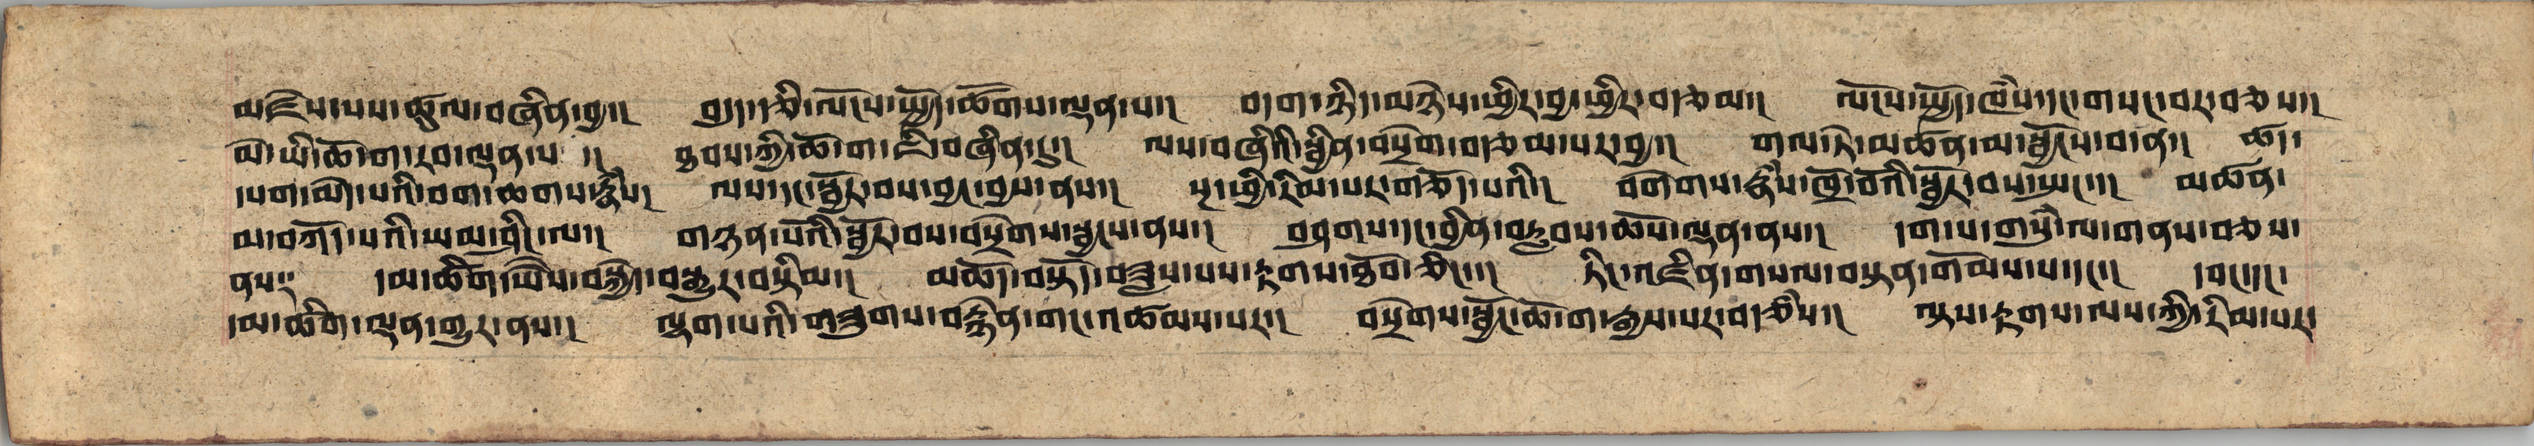མཛེས་པས་ཚུལ་བཞིན་བྱ་། བདུད་རྩི་ལོངས་སྤྱོད་ཚོགས་ལྡན་པ་། བདག་ཉིད་མཉེས་ཕྱིར་བྱ་ཕྱིར་བརྩམ་། ལོངས་སྤྱོད་ཁཾས་དང་གསང་བར་བཅས་།
མེ་ཡི་ཆོ་ག་རབ་ལྡན་པ་། ཐབས་ཀྱི་ཆོ་ག་ཇི་བཞིན་དུ་། ལས་བཞིའི་སྦྱིན་བསྲེག་བརྩམ་པར་བྱ་། གལ་ཏེ་མཚན་མ་སྦྱོངས་བ་ན་། ཚད་
དཔག་མེད་པའི་བག་ཆགས་རྣཾས། ལས་དང་སྦྱོར་བས་བྱང་བྱས་ནས་། སྔ་ཕྱི་རིམ་པར་གཅོད་པའི་། བགེགས་རྣཾས་ཁྲོ་བོའི་སྦྱོར་བས་སྤང་་། མཚན་
མ་བཀོད་པའི་ཡམ་ཤིང་ལ་། གཉན་པོའི་སྦྱོར་བས་བསྲེགས་སྦྱངས་ནས་། བཤགས་དང་བྱིན་བརླབས་ཆོས་ལྡན་ནས་། དག་པ་གསུཾ་ལ་གནས་བཅས་
ནས༑ དམ་ཚིག་ཡཻས་བསྐྱེད་བསྒྱུར་བསྟིམ་། མཆོད་བསྟོད་བཟླས་པས་རྟགས་ཐོབ་ཅིང་་། ཏིང་འཛིན་གསལ་བསྟན་གོམས་པ་དང་། དབང་དང་
དམ་ཚིག་ལྡན་གྱུར་ནས་། ལྷག་པའི་གཟུགས་བརྙེན་གང་འཚམས་པར་། བསྲེགས་སྦྱོང་ཆོ་ག་རྒྱས་པར་བརྩཾས་། ལྟས་རྟགས་ལས་ཀྱི་རིམ་པར་